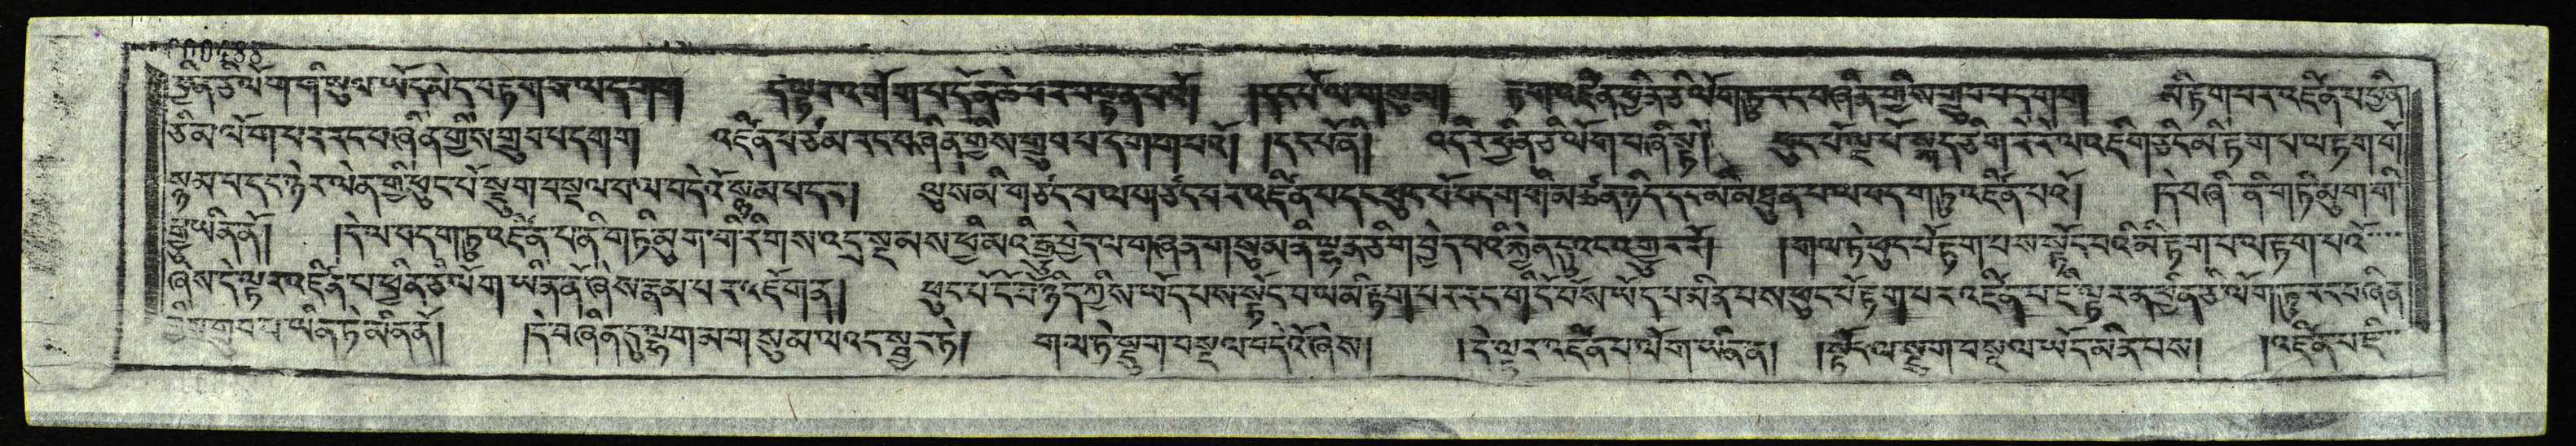ཕྱིན་ཅི་ལོག་གི་ཡུལ་ཡོད་མེད་བརྟགས་ལ་དགག་དེ་ལྟར་འགོག་པ་དོན་ཆེ་བར་བསྟན་པའོ། །དང་པོ་ལ་གསུམ། རྟག་འཛིན་ཕྱིན་ཅི་ལོག་ཏུ་རང་བཞིན་གྱིས་གྲུབ་པ་དགག་མི་རྟག་པར་འཛིན་པ་ཕྱིན་
ཅི་མ་ལོག་པར་རང་བཞིན་གྱིས་གྲུབ་པ་དགག་འཛིན་པ་ཙམ་རང་བཞིན་གྱིས་གྲུབ་པ་དགག་པའོ། །དང་པོ་ནི། འདིར་ཕྱིན་ཅི་ལོག་བཞི་སྟེ། ཕུང་པོ་ལྔ་པོ་སྐད་ཅིག་རེ་རེ་ལ་འཇིག་ཅིང་མི་རྟག་པ་ལ་རྟག་གོ་
སྙམ་པ་དང་ཉེར་ལེན་གྱི་ཕུང་པོ་སྡུག་བསྔལ་བ་ལ་བདེའོ་སྙམ་པ་དང་། ལུས་མི་གཙང་བ་ལ་གཙང་བར་འཛིན་པ་དང་ཕུང་པོ་བདག་གི་མཚན་ཉིད་དང་མི་མཐུན་པ་ལ་བདག་ཏུ་འཛིན་པའོ། །དེ་བཞི་ནི་གཏི་མུག་གི་
རྒྱུ་ཡིན་ནོ། །དེ་ལ་བདག་ཏུ་འཛིན་པ་ནི་གཏི་མུག་གི་རིགས་འདྲ་སྔ་མས་ཕྱི་མའི་རྒྱུ་བྱེད་ལ་གཞན་གསུམ་ནི་ལྷན་ཅིག་བྱེད་བའི་རྐྱེན་དུ་འང་འགྱུར་རོ། །གལ་ཏེ་ཕུང་པོ་རྟག་པས་སྟོང་པའི་མི་རྟག་པ་ལ་རྟག་པའོ་
ཞེས་དེ་ལྟར་འཛིན་པ་ཕྱིན་ཅི་ལོག་ཡིན་ནོ་ཞེས་རྣམ་པར་འཇོག་ན། ཕུང་པོ་ངོ་བོ་ཉིད་ཀྱིས་ཡོད་པས་སྟོང་པ་ཡ་མི་རྟག་པར་རང་གི་ངོ་བོས་ཡོད་པ་མིན་པས་ཕུང་པོ་རྟག་པར་འཛིན་པ་ཇི་ལྟར་ན་ཕྱིན་ཅི་ལོག་ཏུ་རང་བཞིན་
གྱིས་གྲུབ་པ་ཡིན་ཏེ་མིན་ནོ། །དེ་བཞིན་དུ་ལྷག་མ་གསུམ་ལའང་སྦྱར་ཏེ། གལ་ཏེ་སྡུག་བསྔལ་བདེའོ་ཞེས། །དེ་ལྟར་འཛིན་པ་ལོག་ཡིན་ན། །སྟོང་ལ་སྡུག་བསྔལ་ཡོད་མིན་པས། །འཛིན་པ་ཇི་